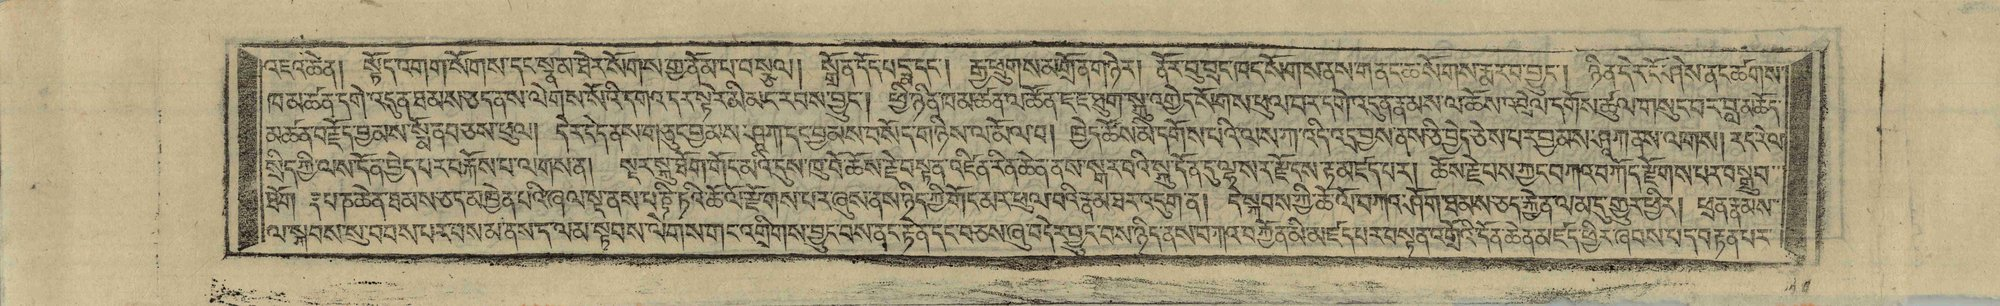འཇའ་ཆེན། སྟོད་འགག་སོགས་དང་སྣམ་ཐེར་སོགས་གྱ་ནོམ་པ་བསྩལ། སྒྲོན་དོད་པདམ་དང་། རྒྱ་ཕྲུགས་མགྲོན་གཉེར། ནོར་བུ་བྲང་ཁང་སོགས་ནས་གནང་ཆ་སོགས་རྨར་བ་བྱུང་། ཉིན་དེར་ངོ་ཤེས་ནང་ཚགས་
ཁམ་ཚན་དགེ་འདུན་ཐམས་ཅད་ནས་ལེགས་སོའི་དགའ་དར་སྟེར་མི་མང་རབས་བྱུང་། ཕྱི་ཉིན་ཁམ་ཚན་ལ་ཚོན་ཇ་ཇ་ཐུག་སྐུ་འགྱེད་སོགས་ཕུལ་བར་དགེ་འདུན་རྣམས་ལ་ཆོས་འགྲེལ་?་དགོས་ཚུལ་གསུང་བར་བླ་མཆོད་
མཚན་བརྗོད་བྱམས་སྨོན་བཅས་ཕུལ། དེར་ངེད་ནས་གཅུང་བྱམས་ཤཱཀ་དང་བྱམས་བསོད་གཉིས་ལ་མོལ་བ། ཁྱེད་ཚོས་མི་དགོས་པའི་ལས་ཀ་འདི་འདྲ་བྱས་ནས་ཅི་བྱེད་ཅེས་པར་བྱམས་ཤཱཀ་ནས་ལགས། རང་རེ་ལ་
སྲིད་ཀྱི་ལས་དོན་བྱེད་པར་བརྐོས་པ་ལགས་ན། སྔར་སྐུ་ཐོག་གོང་མའི་དུས་ཁུ་བོ་ཆོས་རྗེ་བསྟན་འཛིན་རིན་ཆེན་ནས་སྒར་བའི་སྐུ་དོན་དུ་ལྷ་སར་རྫོངས་རྟ་མཛད་པར། ཆོས་རྗེ་པས་ཀྱང་བཀའ་བཀོད་རྫོགས་པར་བསྒྲུབ་
ཐོག ༑པཎ་ཆེན་ཐམས་ཅད་མཁྱེན་པའི་ཞལ་སྔ་ནས་པཎྚི་ཏའི་ཆོ་ལོ་རྫོགས་པར་ཞུས་ནས་ཉིད་ཀྱི་གོང་མར་ཕུལ་བའི་རྣམ་ཐར་འདུག་ན། དེ་སྐབས་ཀྱི་ཆོ་ལོ་བཀའ་ཤོག་ཐམས་ཅད་རྐྱེན་ལམ་དུ་གྱུར་ཕྱིར། ཕྲན་རྣམས་
ལ་སྐབས་སུ་བབས་པར་བསམ་ནས་ད་ལམ་སྟབས་ལེགས་གང་འགྲིགས་བྱུང་བས་ནང་རྟེན་དང་བཅས་ཞུ་བདེར་བྱུང་བས་ཉིད་ནས་བཀའ་བཀྱོན་མི་མཛད་པར་བསྟན་འགྲོའི་དོན་ཆེན་མཛད་ཕྱིར་ཞབས་པད་བརྟན་པར་